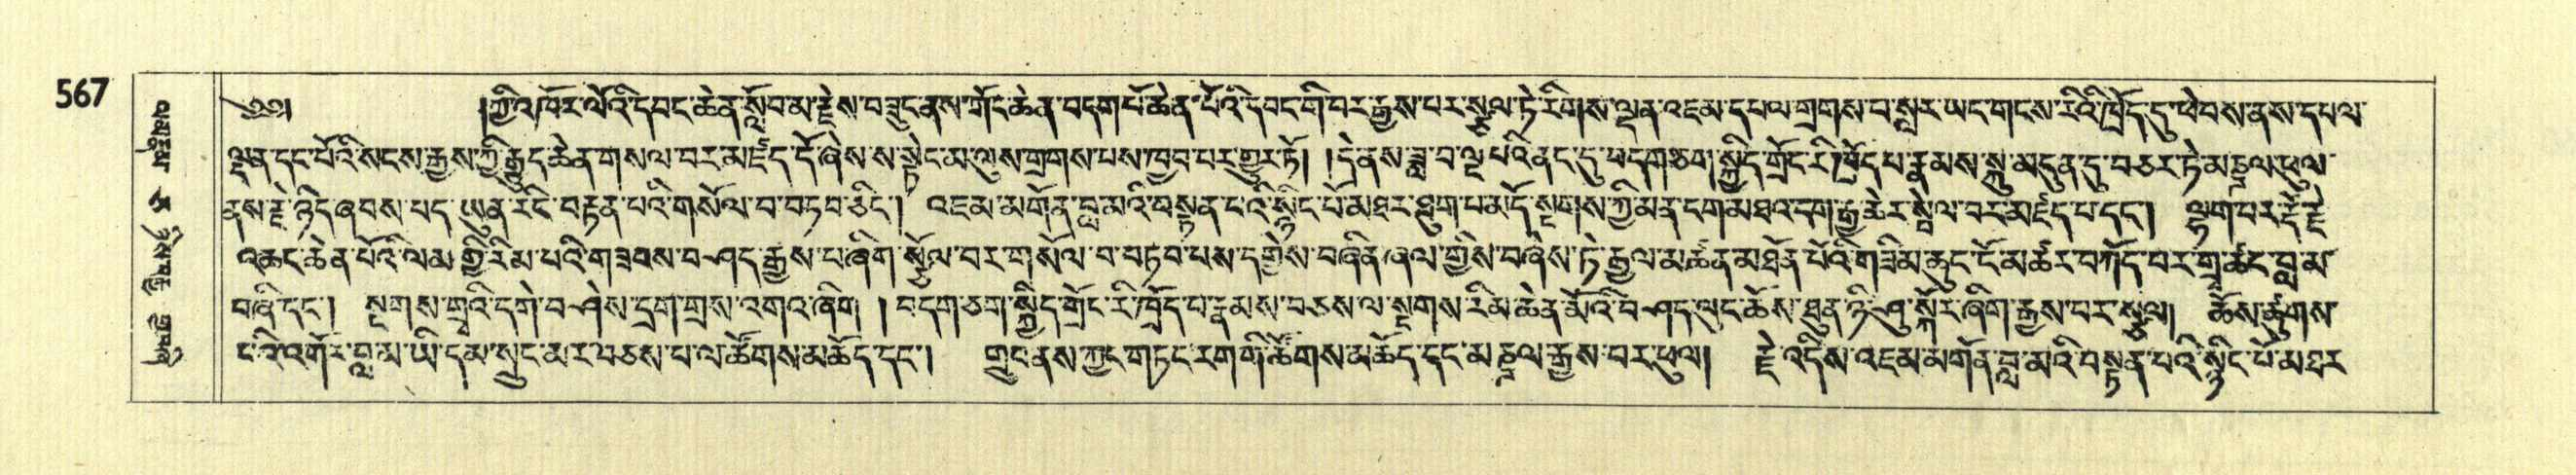༄༅། །ཀྱི་འཁོར་ལོའི་དབང་ཆེན་སློབ་མ་རྗེས་བཟུང་ནས་གོང་ཆེན་བདག་པོ་ཆེན་པོའི་དབང་གི་བར་རྒྱས་པར་སྩལ་ཏེ་རིགས་ལྡན་འཇམ་དཔལ་གྲགས་བ་སླར་ཡང་གངས་རིའི་ཁྲོད་དུ་ཕེབས་ནས་དཔལ་
ལྡན་དང་པོའི་སངས་རྒྱས་ཀྱི་རྒྱུད་ཆེན་གསལ་བར་མཛད་དོ་ཞེས་ས་སྟེང་མ་ལུས་གྲགས་པས་ཁྱབ་པར་གྱུར་ཏོ། །དེ་ནས་ཟླ་བ་ལྔ་པའི་ནང་དུ་བདག་ཅག་སྐྱིད་གྲོང་རི་ཁྲོད་པ་རྣམས་སྐུ་མདུན་དུ་བཅར་ཏེ་མཎྜལ་ཕུལ་
ནས་རྗེ་ཉིད་ཞབས་པད་ཡུན་རིང་བརྟན་པའི་གསོལ་བ་བཏབ་ཅིང་། འཇམ་མགོན་བླ་མའི་བསྟན་པའི་སྙིང་པོ་མཐར་ཐུག་པ་མདོ་སྔགས་ཀྱི་མན་ངག་མཐའ་དག་རྒྱ་ཆེར་སྦེལ་བར་མཛད་པ་དང་། ལྷག་པར་རྡོ་རྗེ་
འཆང་ཆེན་པོའི་ལམ་གྱི་རིམ་པའི་གཟབས་བཤད་རྒྱས་པ་ཞིག་སྩོལ་བར་གསོལ་བ་བཏབ་པས་དགྱེས་བཞིན་ཞལ་གྱིས་བཞེས་ཏེ་རྒྱལ་མཚན་མཐོན་པོའི་གཟིམ་ཆུང་ངོ་མཚར་བཀོད་པར་གྲྭ་ཚང་བླ་མ་
བཞི་དང་། སྔགས་གྲྭའི་དགེ་བཤེས་དྲག་གྲས་འགའ་ཞིག །བདག་ཅག་སྐྱིད་གྲོང་རི་ཁྲོད་པ་རྣམས་བཅས་ལ་སྔགས་རིམ་ཆེན་མོའི་བཤད་ལུང་ཆོས་ཐུན་ཉི་ཤུ་སྐོར་ཞིག་རྒྱས་པར་སྩལ། ཆོས་ཚུགས་
པའི་འགོར་བླ་མ་ཡི་དམ་སྲུང་མར་བཅས་པ་ལ་ཚོགས་མཆོད་དང་། གྲུབ་ནས་ཀྱང་གཏང་རག་གི་ཚོགས་མཆོད་དང་མཎྜལ་རྒྱས་བར་ཕུལ། རྗེ་འདིས་འཇམ་མགོན་བླ་མའི་བསྟན་པའི་སྙིང་པོ་མཐར་